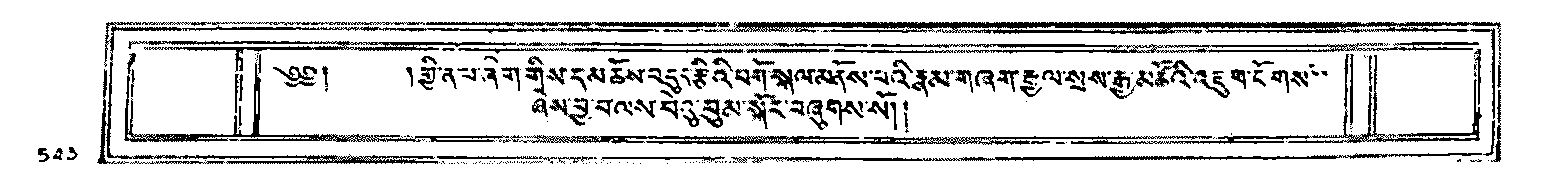༄༅། །གྱི་ན་པ་ཞིག་གིས་དམ་ཆོས་བདུད་རྩིའི་བགོ་སྐལ་མནོས་པའི་རྣམ་གཞག་རྒྱལ་སྲས་རྒྱ་མཚོའི་འཇུག་ངོགས་
ཞེས་བྱ་བ་ལས་བེའུ་བུམ་སྐོར་བཞུགས་སོ། །